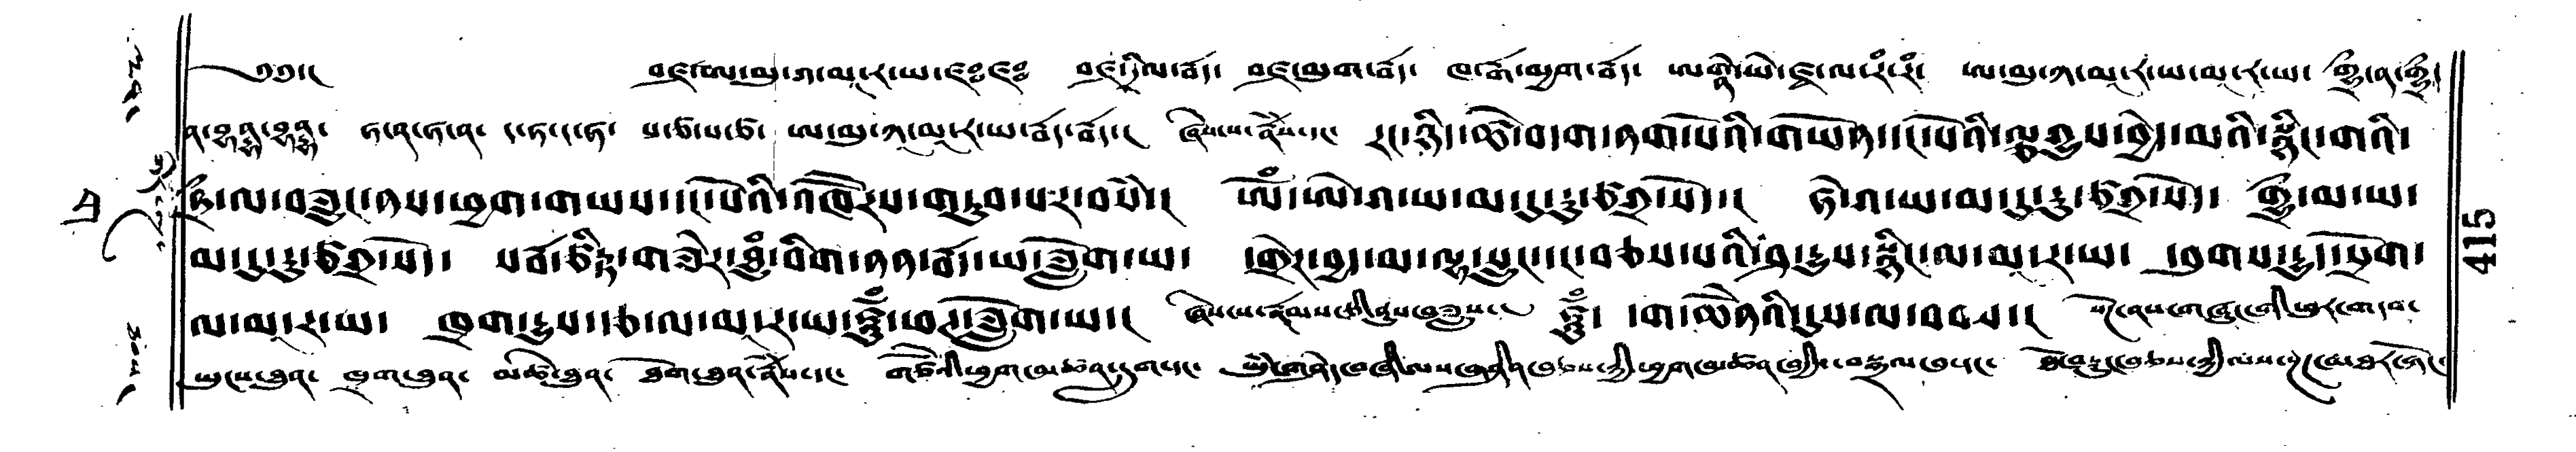བཛྲ་ཨ་མུ་ཀ་མཱ་ར་ཡ་ཛཿཛཿ བཛྲ་དྲིལ་རྦད། བཛྲ་མུག་རྦད། ཁ་རྒ་མྱག་རྦད། ཨགྣེ་ཡེ་ཛྭ་ལ་རཾ་རཾ། ཨ་མུ་ཀ་མཱ་ར་ཡ་མཱ་ར་ཡ། གྷྲྀ་ན་གྷྲྀ་
ན་བྷནྡྷ་བྷནྡྷ། ཧ་ན་ཧ་ན། ད་ཧ་ད་ཧ། པ་ཙ་པ་ཙ། ཨ་མུ་ཀཱ་མཱ་ར་ཡ་རྦད་རྦད། ཅེས་པ་རྣམས་དང་། རང་ཉིད་ཚེ་བདག་ནག་པོའི་གཡོན་དང་པོའི་ལྕགས་ཀྱུས་བྱད་མའི་སྙིང་གའི་
ནྲྀ་ལ་བཟུང་ནས་ཕྱག་གཡས་དང་པོའི་འཁོར་ལོས་གཏུབ་པར་བསམ། ཨོཾ་ཨེ་ཀ་ཡ་མ་དུ་རུ་ཙཀྲ་སོད། ཧེ་ཀ་ཡ་མ་དུ་རུ་ཙཀྲ་སོད། གྷྲྀ་མ་ཡ་
མ་དུ་རུ་ཙཀྲ་སོད། སརྦ་ཙིཏྟ་གཟེར་ཐུཾ་བིག་ནན་རྦད་ཡ་ཟློག་ཡ། དགྲ་བགེགས་བྱད་མ་ལྷ་སྲུང་དང་བཅས་པའི་ཤ་རྒྱུས་སྙིང་ལ་མཱ་ར་ཡ། དབུགས་རྒྱུ་སྲོག་
ལ་མཱ་ར་ཡ། ཁྲག་རྒྱུས་རྩ་ལ་མཱ་ར་ཡ་ཧཱུྃ་ཕཊཿཟློག་ཡ། ཞེས་པ་རྣམས་ཅི་ནུས་བཟླ། ཧཱུྃ། དམ་ཚིག་ཆེན་པོའི་དུས་ལ་བབས། སོགས་ནས་གཞུང་གི་ཕུར་གདབ་
ཡུངས་ཐུན། ཁྲག་ཐུན། མཚེ་ཐུན། ཐོག་ཐུན་རྣམས་དང་། གཙོ་བོའི་ཕྱག་མཚན་དྲུག་དང་། ཡུམ་གཤེད་བཞི། ལས་གཤིན་བཅས་ཀྱི་ཕྱག་མཚན་གྱིས་བསྒྲལ་བ་དང་། ཐོ་རྡུང་བཅས་ཀྱི་ལས་སྔགས་མཐར་གོང་